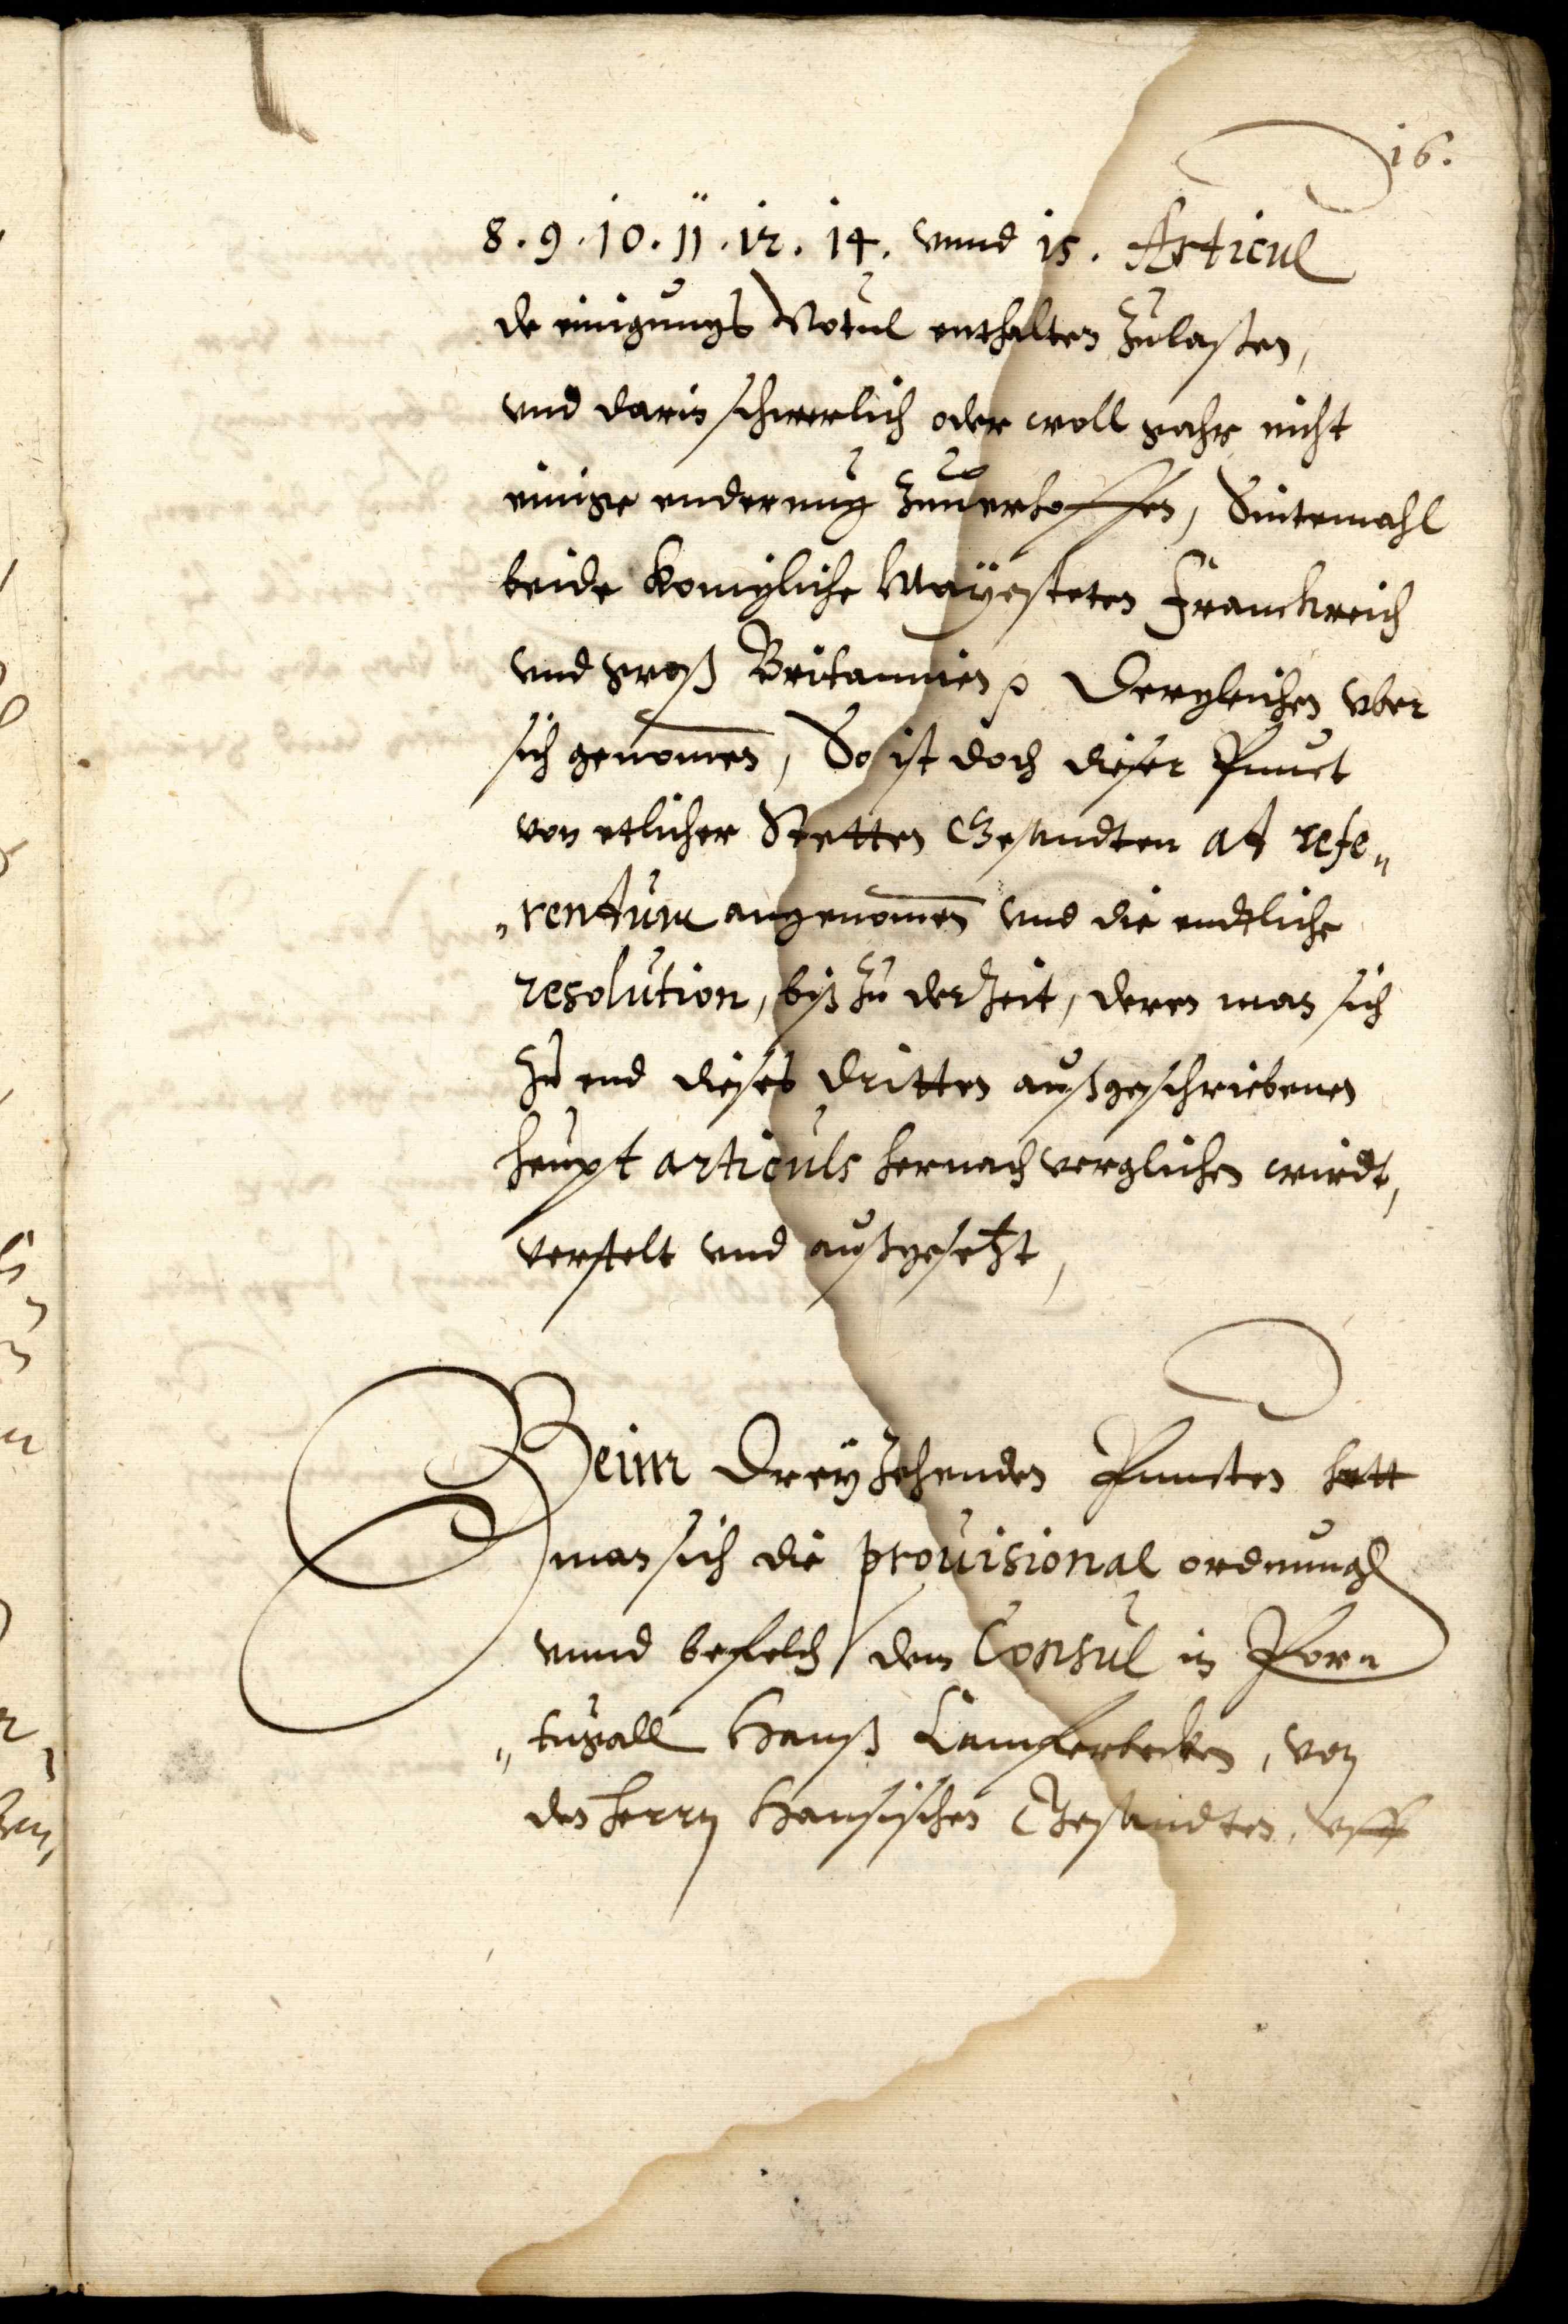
16.
8.9.10.11.12.14. vnnd 15. Articul
de einigungs Notul enthalten Zulaßen,
vnd darin schwerlich aber woll gahr nicht
einige enderung zuuerhoffen, Sintemahl
beide konigliche Maijesteten Franckreich
vnd groß Britannien p dergleichen aber
sich genommen, so ist doch dieser Punct
von etlicher stetten Gesandten at refe¬
rentum angenommen vnd die endtliche
resolution, biß zu der zeit, deren man sich
zu end dieses dritten außgeschriebenen
haupt articuls hernach verglichen wirdt,
verstelt vnd außgesetzt,
Beim dreij zehnden Punctes hatt
man sich die prouisional ordnungen
vnnd befelch dem Consul in Por¬
tugall Hanß Camferbecken,von
den herrn Hansischen Gesandten, uff
